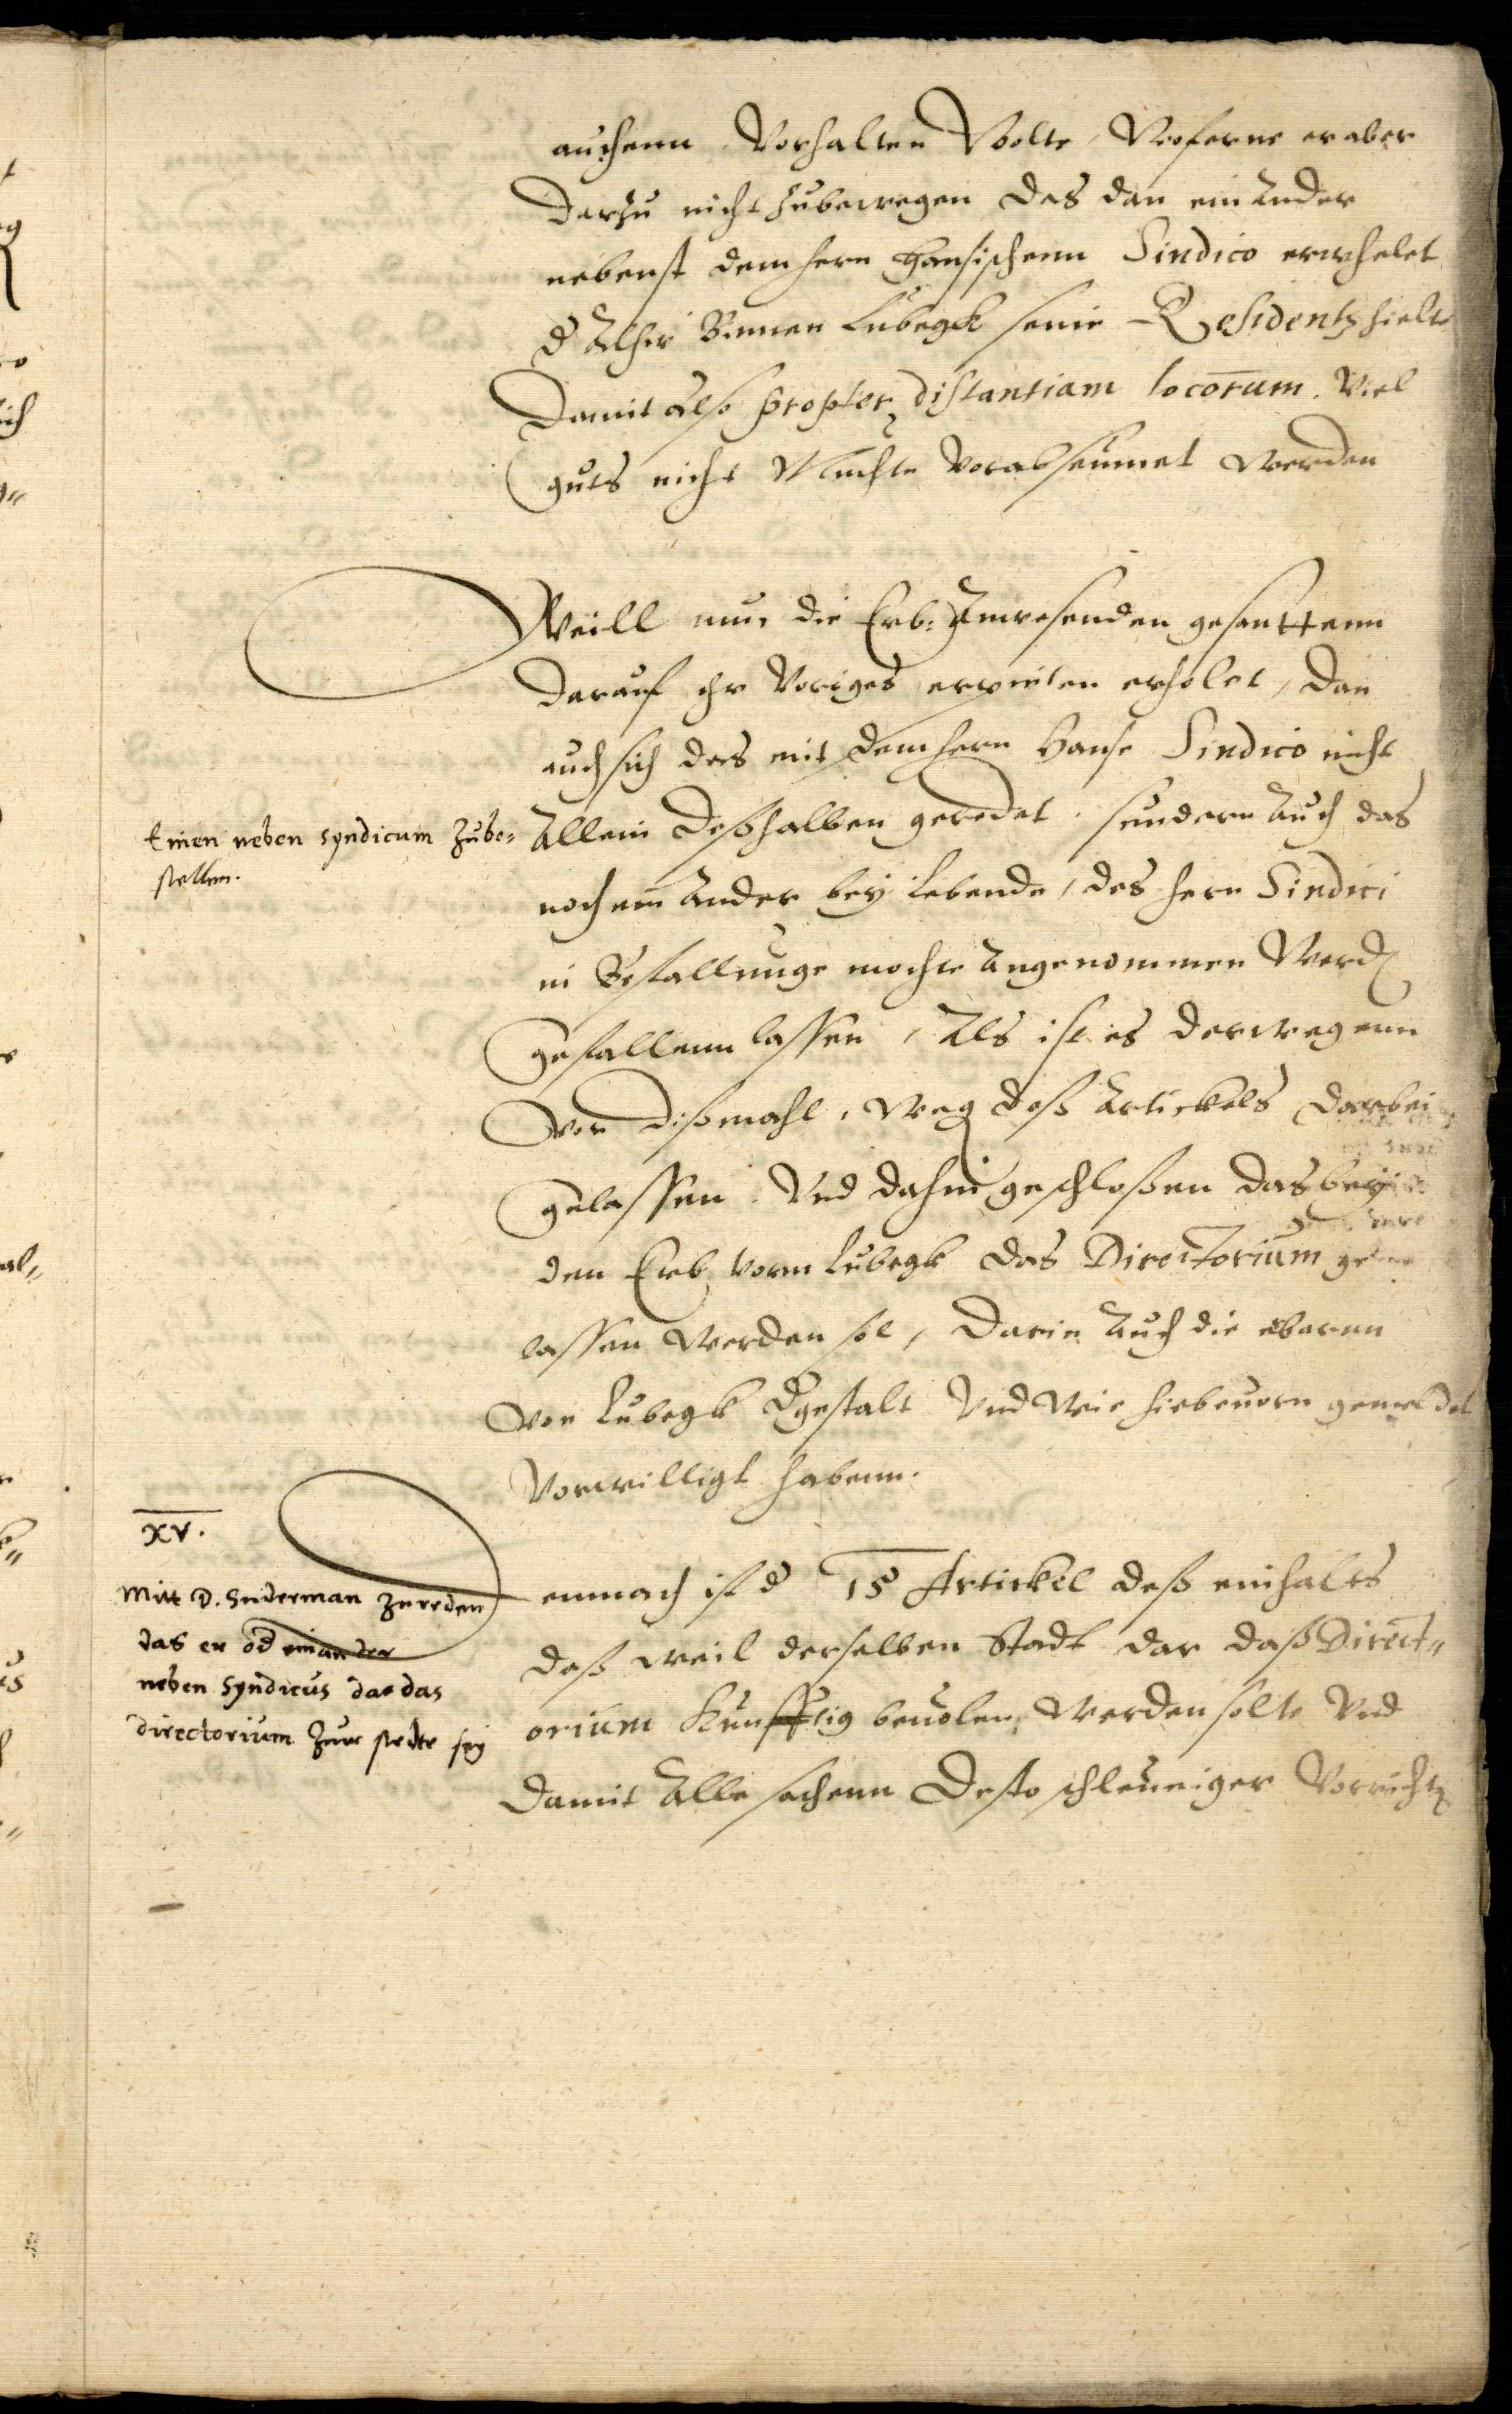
auchenn Vorhalten Wolte, Woferne er aber
darzu nicht zubewegen das dan ein Ander
nebenst dem hern Hansischen Sindico erwhelet
der Alhir Binnen Lubegk seine Residentz hielte
Damit Also propter distantiam locorum viel
guts nicht Muchte vorabseumet werden
Weill nur die Erb: Anwesenden gesanttenn
darauf ihr Voriges erpieten erholet, dan
auch sich des mit dem hern Hanse Sindico nicht
Allein deßhalben geredet. sundern Auch das
noch ein Ander beij Lebende, des hern Sindici
in Bestallunge mochte Angenommen Werden
gefallenn lassen, Als ist es derwegenn
vor dißmahl, wegen deß Artickels darbei
gelassen, Vnd dahin geschloßen das beij
den Erb vonn Lubegk das Directorium ge¬
lassen werden sol, darin Auch die erbarnn
von Lubegk dergestalt Vnd wie hiebeuorn gemeldet
Vorwilligt habenn.
Einen neben syndicum zube¬
stellen.
Demnach ist der 15 Artickel deß einhalts
deß wiel derselben Stadt dar daß Direct¬
orium Kunfftig beuolen werden solte vnd
damit Alle sachenn Desto schleuniger Vorrichten
XV.
Mitt D. Suderman zureden
das er oder ein ander
neben Sijndicus dan das
directorium zur stedte sey
